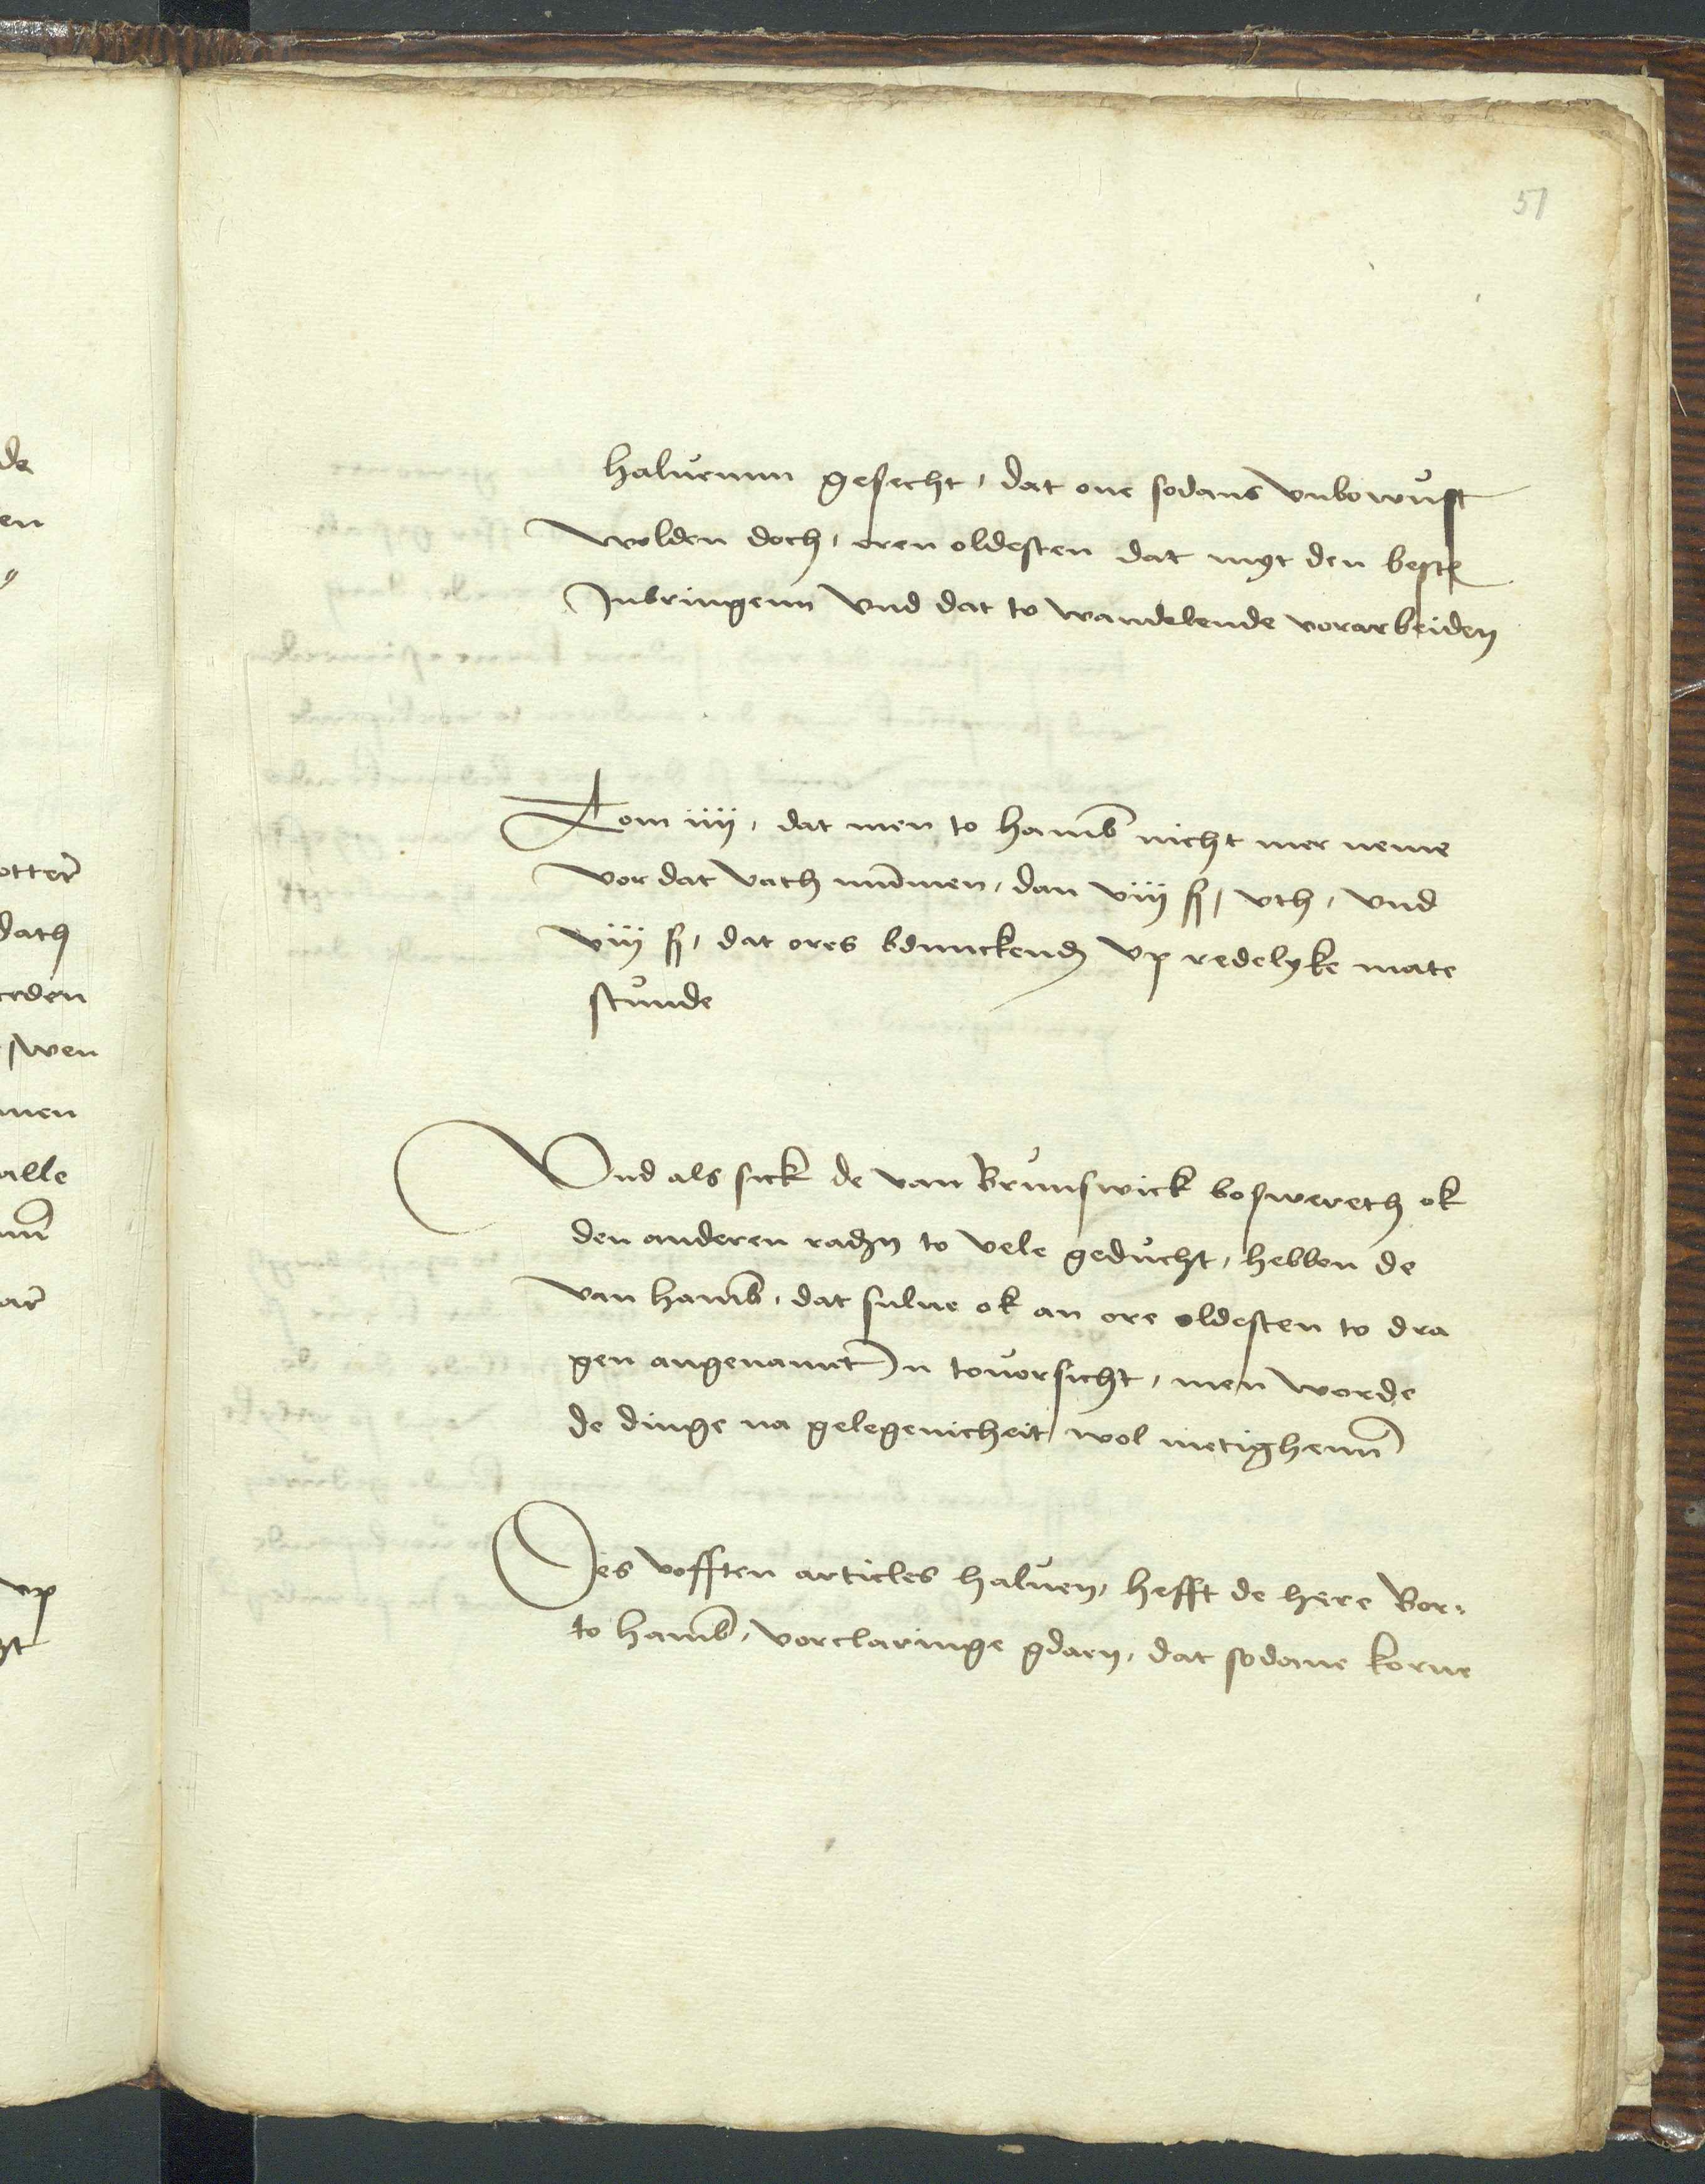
haluenn gesecht, dat one sodans vnbowust
wolden doch, oren oldesten dat myt den besten
Jnbringenn vnd dat to wandelnde vorarbeiden
Tom iiij, dat men to hamburg nicht mer neme
vor dat vath mummen, dan viij ß, vth, vnd
viij ß, dat ores bdunckenden vp redelyke mate
stunde
Vnd als sick de van Brunswick boswerth ok
den anderen radesendebaden to vele geducht, hebben de
van hamburg, dat sulue ok an ore oldesten to dra¬
gen angenamet Jn touersicht, men worde
de dinge na gelegenicheit wol metighenn
Des vofften articles haluen, hefft de herr Bor:
to hamburg, vorclaringe gdaen, dat sodane korne
